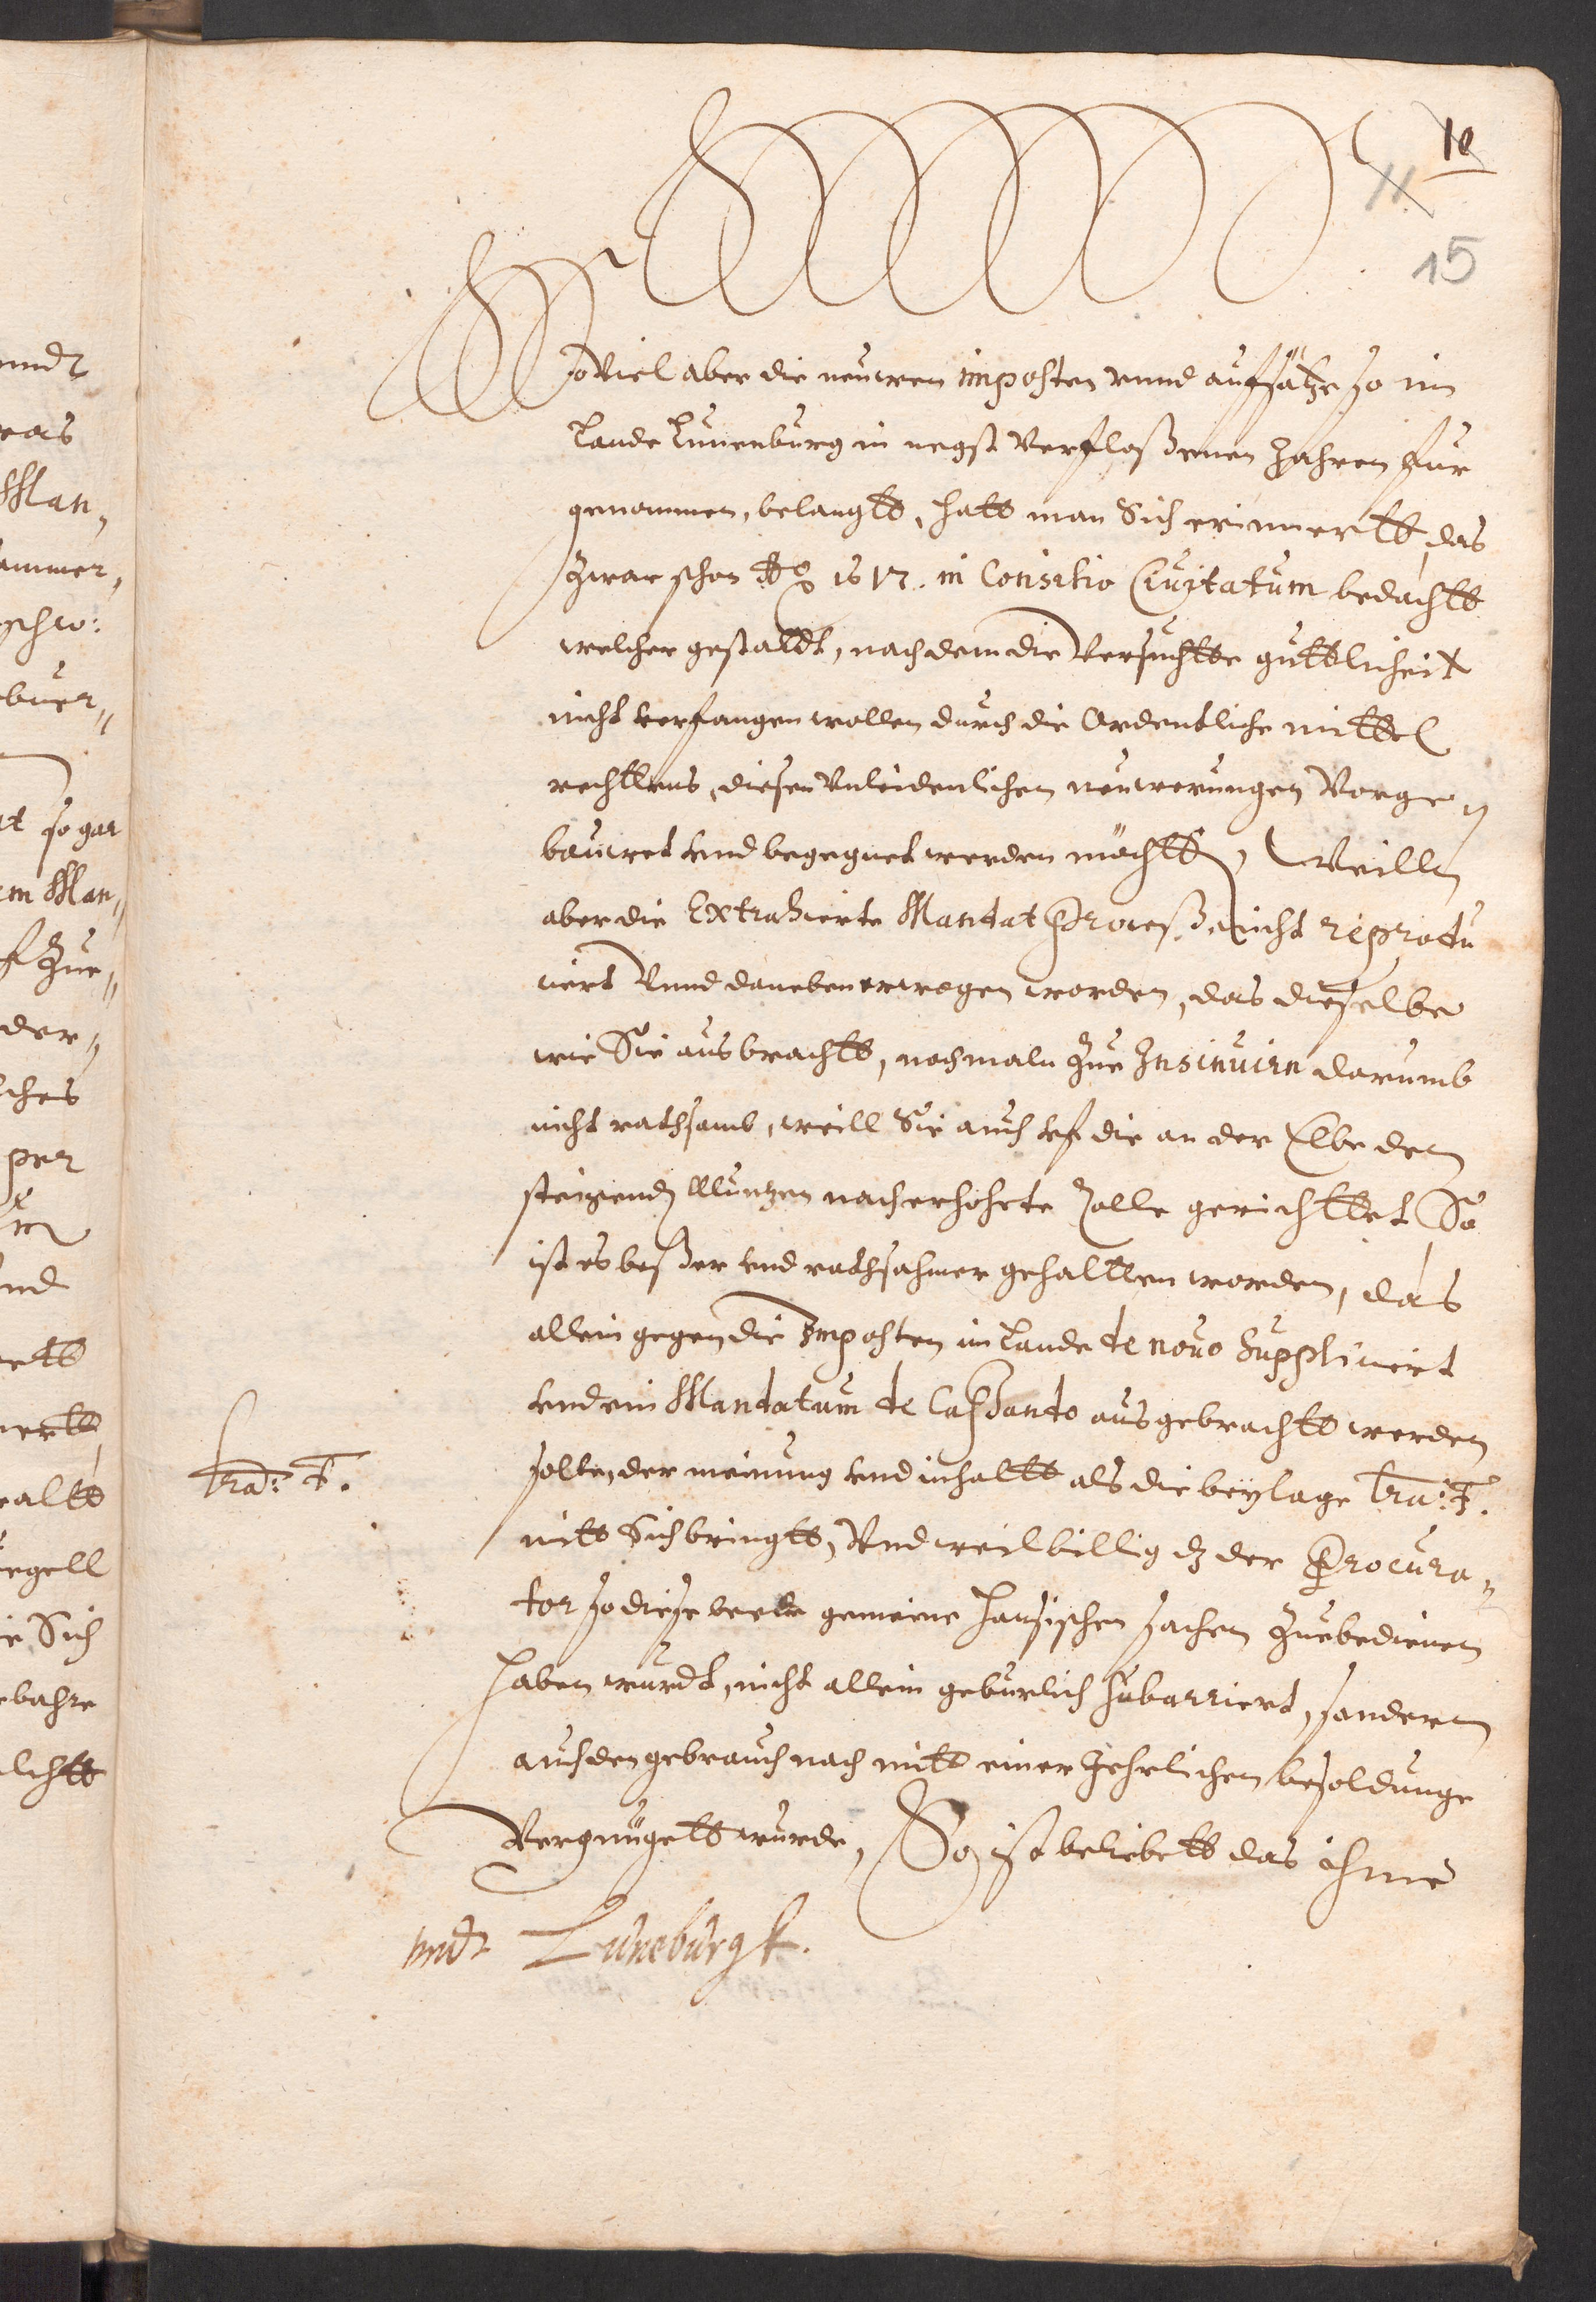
10
So viel aber die neuwen imposten vnnd aufsätze so im
Lande Lunenburg in negst verfloßenen Jahren fur
genommen, belangtt, hatt man Sich erinnertt das
zwar schon Anno p 1617. in Consilio Ciuitatum bedachtt
welcher gestaldt, nach dem die Versuchtte guttlicheit
nicht vorfangen wollen durch die Ordentliche mittel
rechttens, diesen vnleidenlichen neuwerungen vorge¬
bauwet vnd begegnet werden möchtt, Weilln
aber die Extrahierte Mandat Proceß, nicht reprodu
ciert Vnnd daneben erwogen worden, das dieselbe
wie Sie ausbrachtt, nochmaln zue Insinuirn darumb
nicht rathsamb, weill Sie auch vf die an der Elbe den
steigenden Muntzen nach erhohete Zolle gerichttet, So
ist es beßer vnd rathsahmer gehaltten worden, das
allein gegen die Imposten im Lande de nouo suppliciert
vnd ein Mandatum de Cassando ausgebrachtt werden
solte, der meinung vnd inhaltt als die beijlage littera: F.
mitt Sich bringtt, Vnd weil billig das der Procura¬
tor so diese beede gemeine hansischen sachen zuebedienen
haben wurdt, nicht allein geburlich subarriert, sondern
auch den gebrauch nach mitt einer Jehrlichen besoldunge
Vergnügett wurde, So ist beliebett das ihme
vndt Luneburgk.
Littera F.
